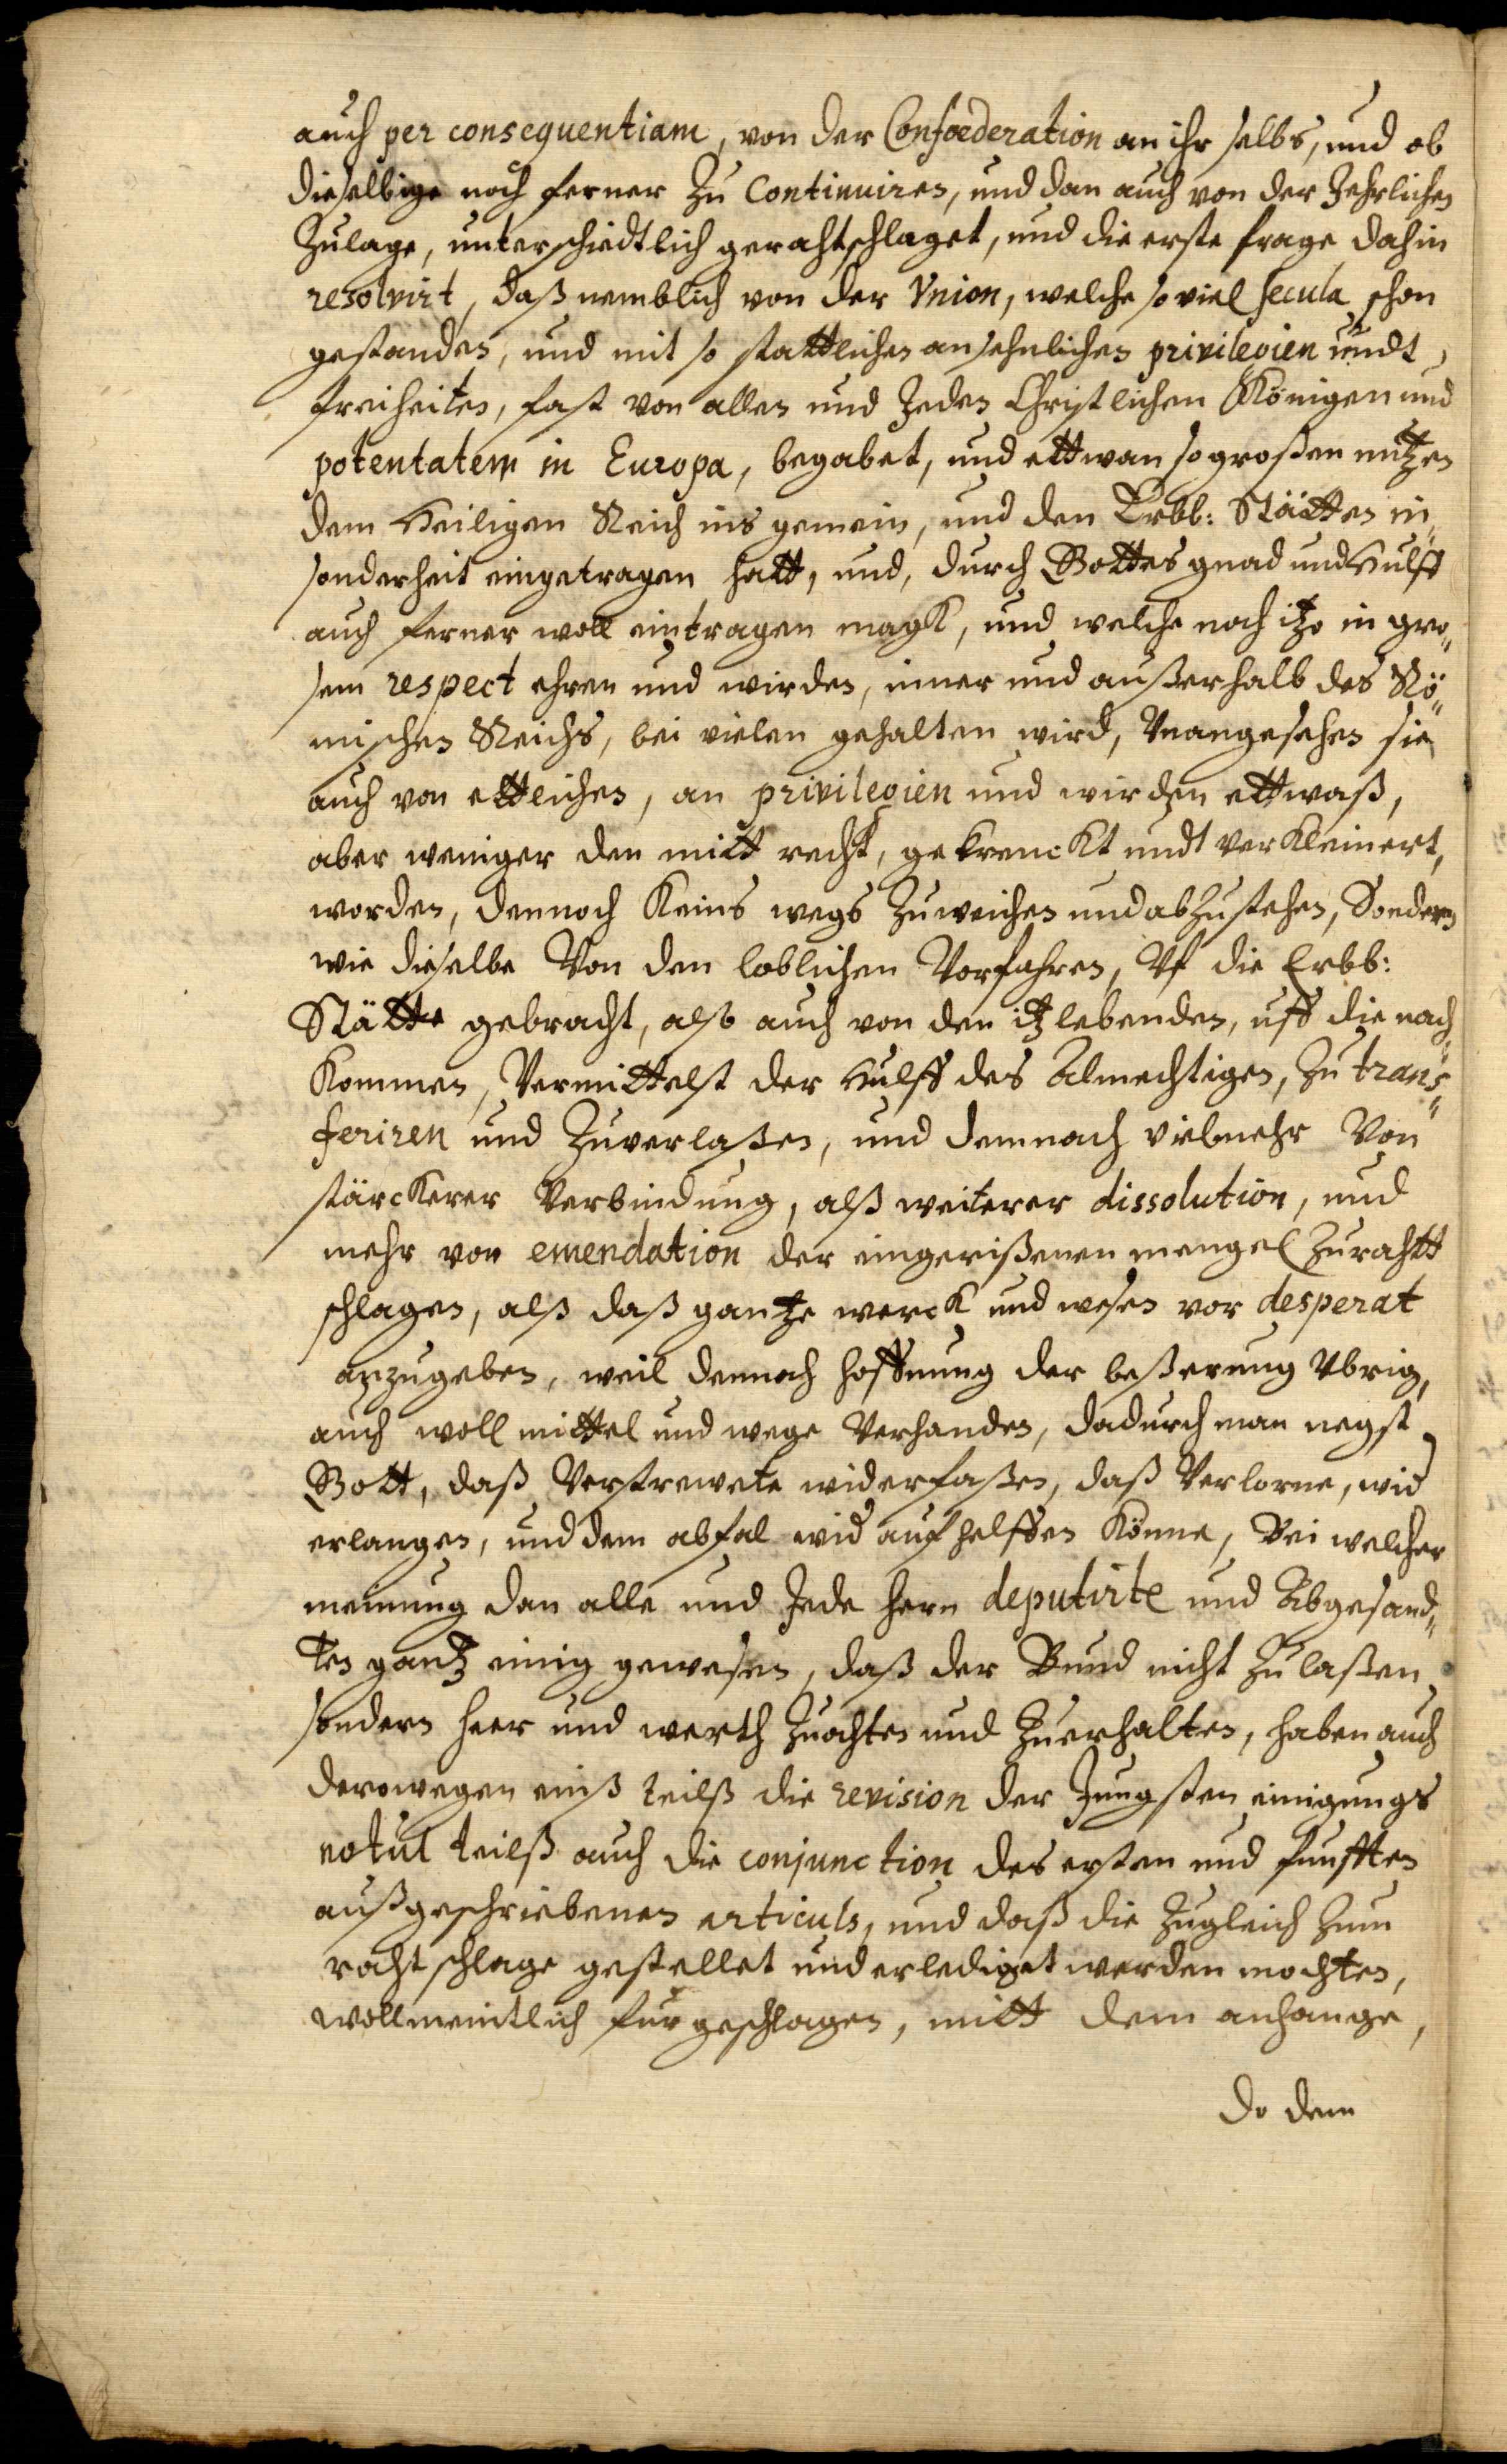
auch per consequentiam, von der Confoederation an ihr selbs, und ob
dieselbige noch ferner zu continuiren, und dan auch von der Jehrlichen
Zulage, unterschiedtlich gerahtschlaget, und die erste frage dahin
resolvirt, daß nemblich von der Vnion, welche so viel secula schon
gestanden, und mit so stattlichen ansehnlichen privilegien undt
freiheiten, fast von allen und Jeden Christlichen Königen und
potentatem in Europa, begabet, und ettwan so großen nutzen
dem Heiligen Reich ins gemein, und den Erbb: Stätten in¬
sonderheit eingetragen hatt, und, durch Gottes gnad undt Hulff
auch ferner woll eintragen magk, und welche noch itzo in gro¬
sem respect ehren und wirden, inner und außerhalb des Rö¬
mischen Reichs, bei vielen gehalten wird, Vnangesehen sie
auch von ettlichen, an privilegien und wirden ettwaß,
aber weniger den mitt recht, gekrenckt undt verkleinert,
worden, dennoch Keins wegs zu weichen und abzustehen, Sondern
wie dieselbe Von den loblichen Vorfahren, Vf die Erbb.
Stätte gebracht, also auch von den itzlebenden, uff die nach¬
kommen, Vermittelst der Hulff des Almechtigen, zu trans¬
feriren und zuverlaßen, und demnach vielmehr von
stärckerer Verbindung, alß weiterer dissolution, vnd
mehr vor emendation der eingerißenen mengel zu rahtt
schlagen, alß daß gantze werck und wesen vor desperat
anzugeben, weil dennoch hoffnung der beßerung vbrig,
auch woll mitttel und wege Verhanden, dadurch man negst
Gott, daß Verstrewete widerfaßen, daß Verlorne, wider
erlangen, und dem abfal wider aufhelffen könne, Bei welcher
meinung dan alle und Jede hern deputirte und Abgesand¬
ten gantz einig gewesen, daß der Bund nicht zu laßen,
sondern heer und werth Zuachten und Zuerhalten, haben auch
derowegen einß teilß die revision der Jungsten einigungs
notul teilß auch die conjunction des ersten und funfften
außgeschriebenen articuls, und daß die Zugleich zum
rahtschlage gestellet und erlediget werden mochten,
wollmeintlich furgeschlagen, mitt dem anhange,
do dem
